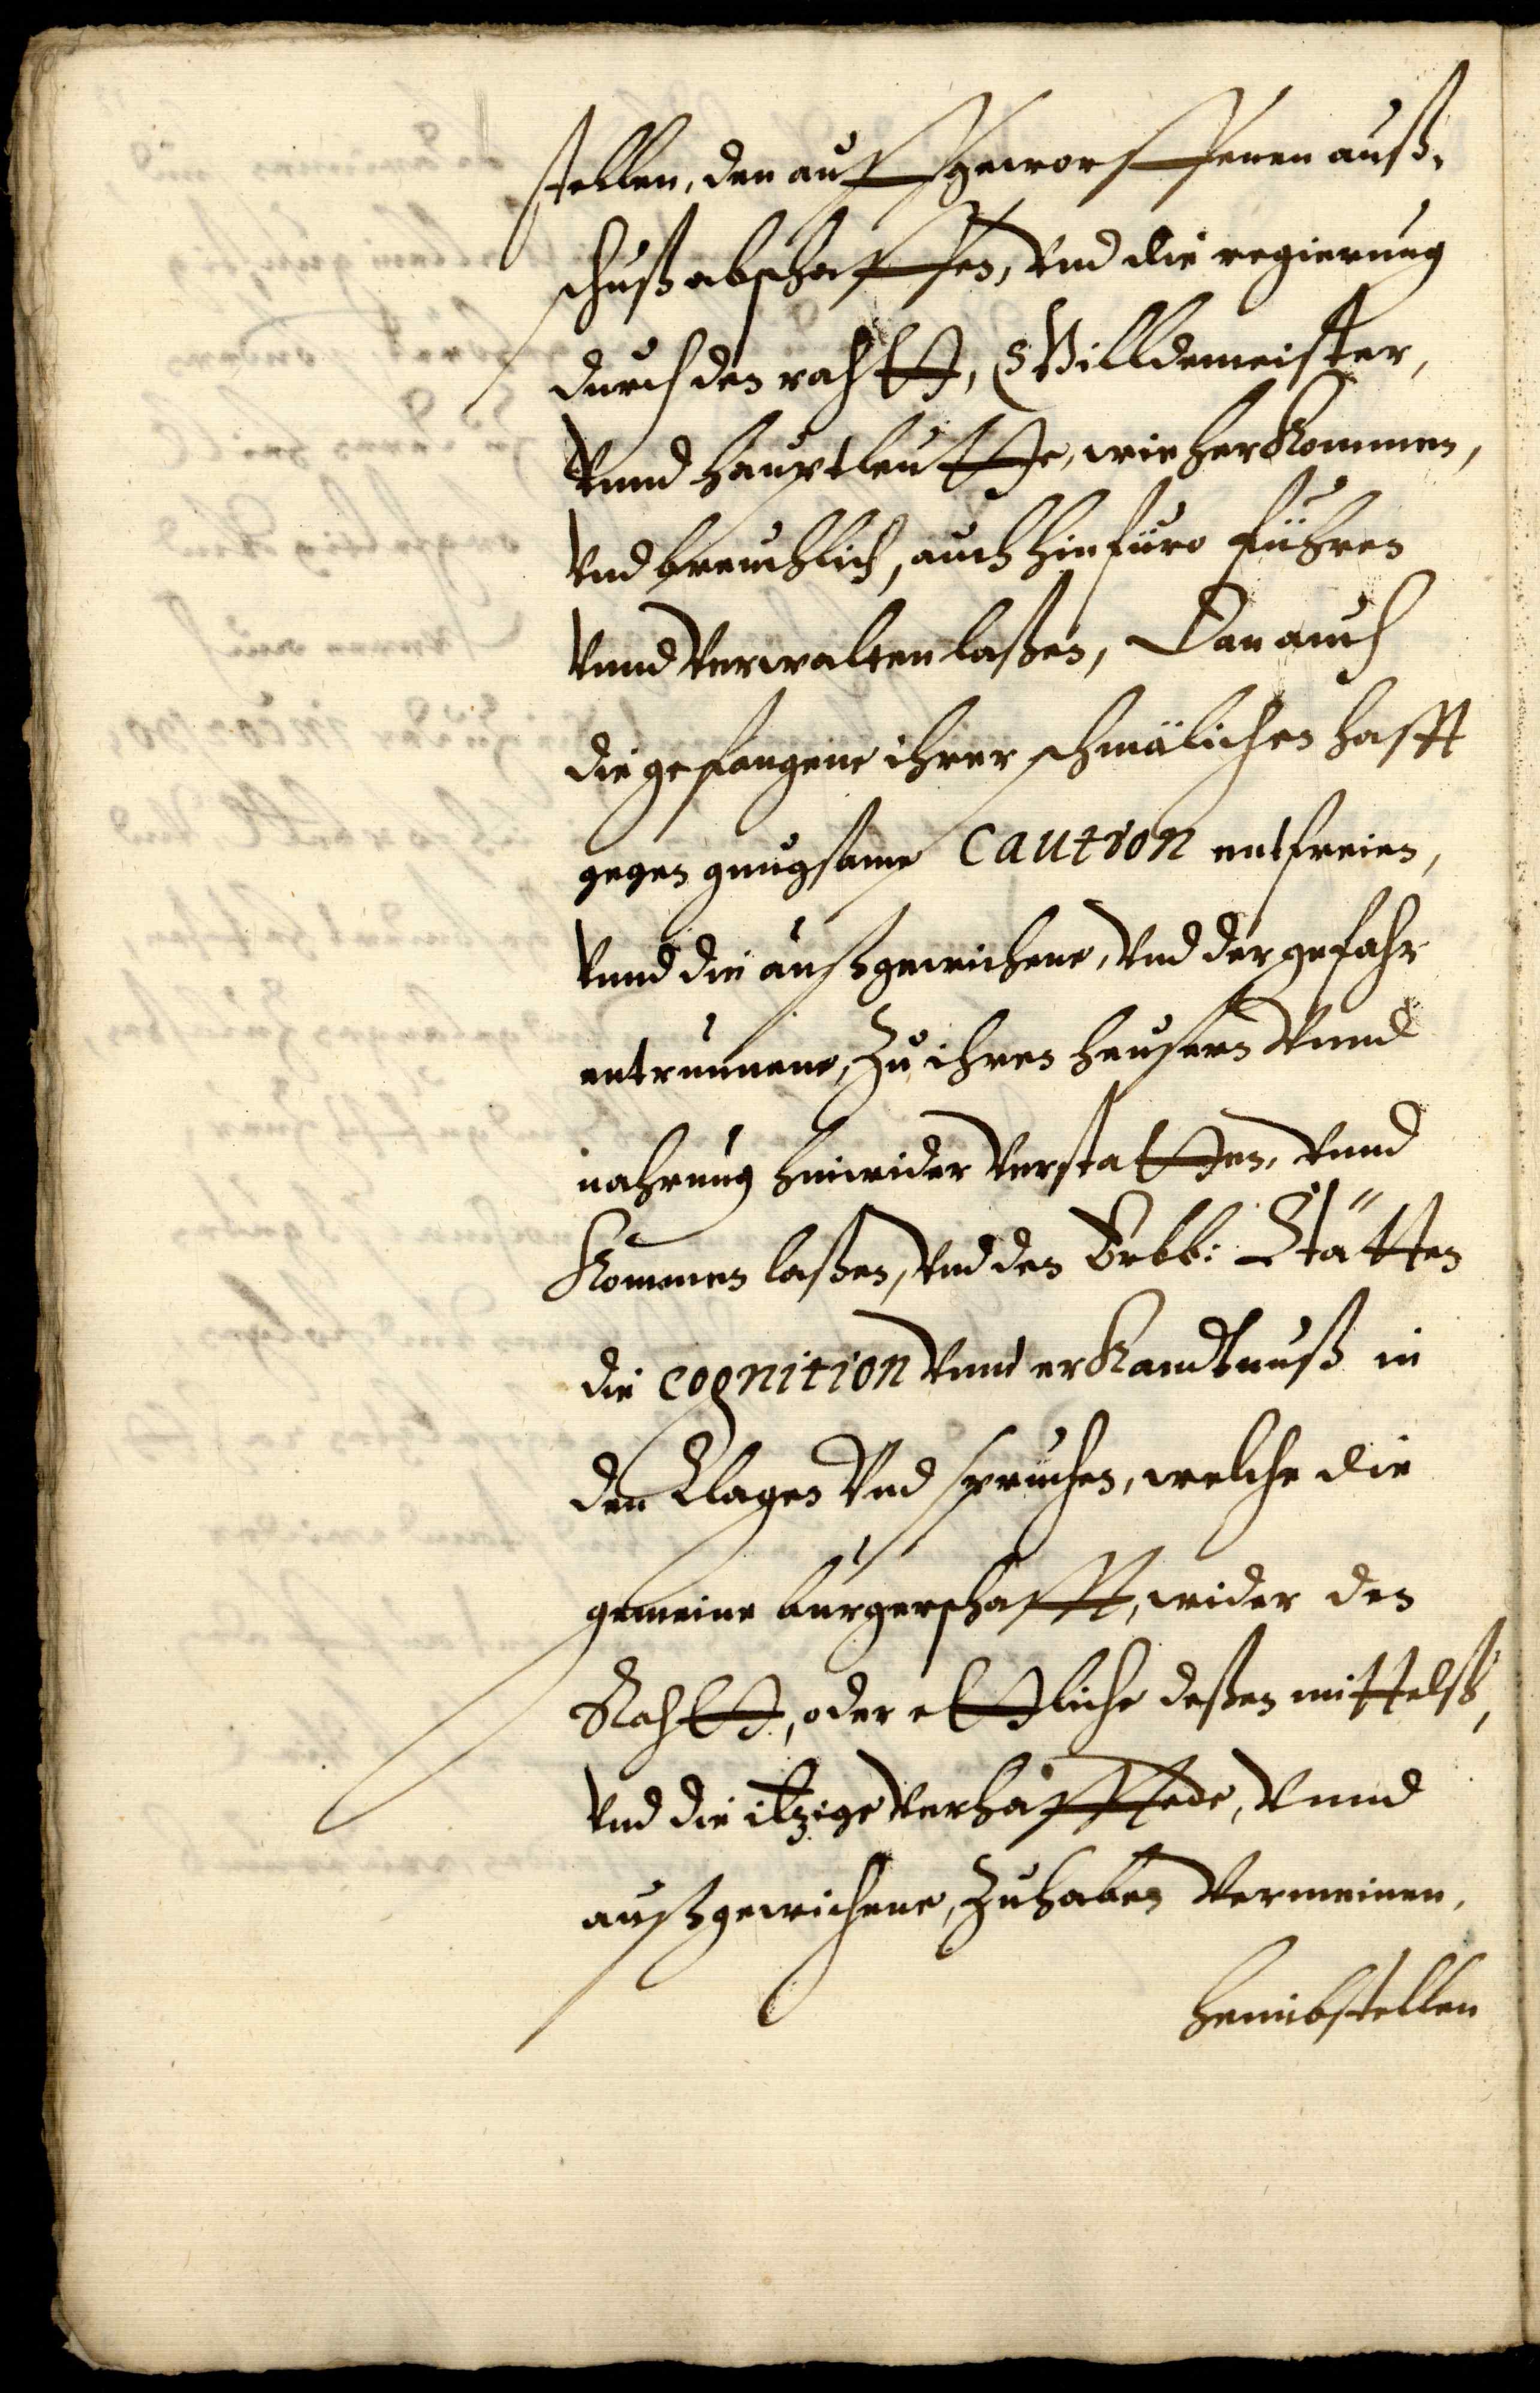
stellen, den auffgeworffenen auß¬
schuß abschaffen, Vnd die regierung
durch den rahtt, Gildemeister,
Vnnd hauptleutte, wie herkommen,
Vnd breuchlich, auch hiefüro führen
Vnnd Verwalten laßen, Dan auch
die gefangene ihrer schmälichen hafft
gegen gnugsame caution entfreien,
Vnnd die außgewichene, Vnd der gefahr
entrunnene, zu ihren heusern Vnnd
nahrung hinwider Verstatten, Vnnd
Kommen laßen, Vnd den Erbb: Stätten
die cognition Vnnd erkandtnuß in
den Clagen Vnd sprüchen, welche die
gemeine burgerschafft, wieder den
Rahtt, oder ettliche deßen mitttelß,
Vnd die itzige Verhafttede, Vnnd
außgewisene, Zuhaben Vermeinen,
heimbstellen
